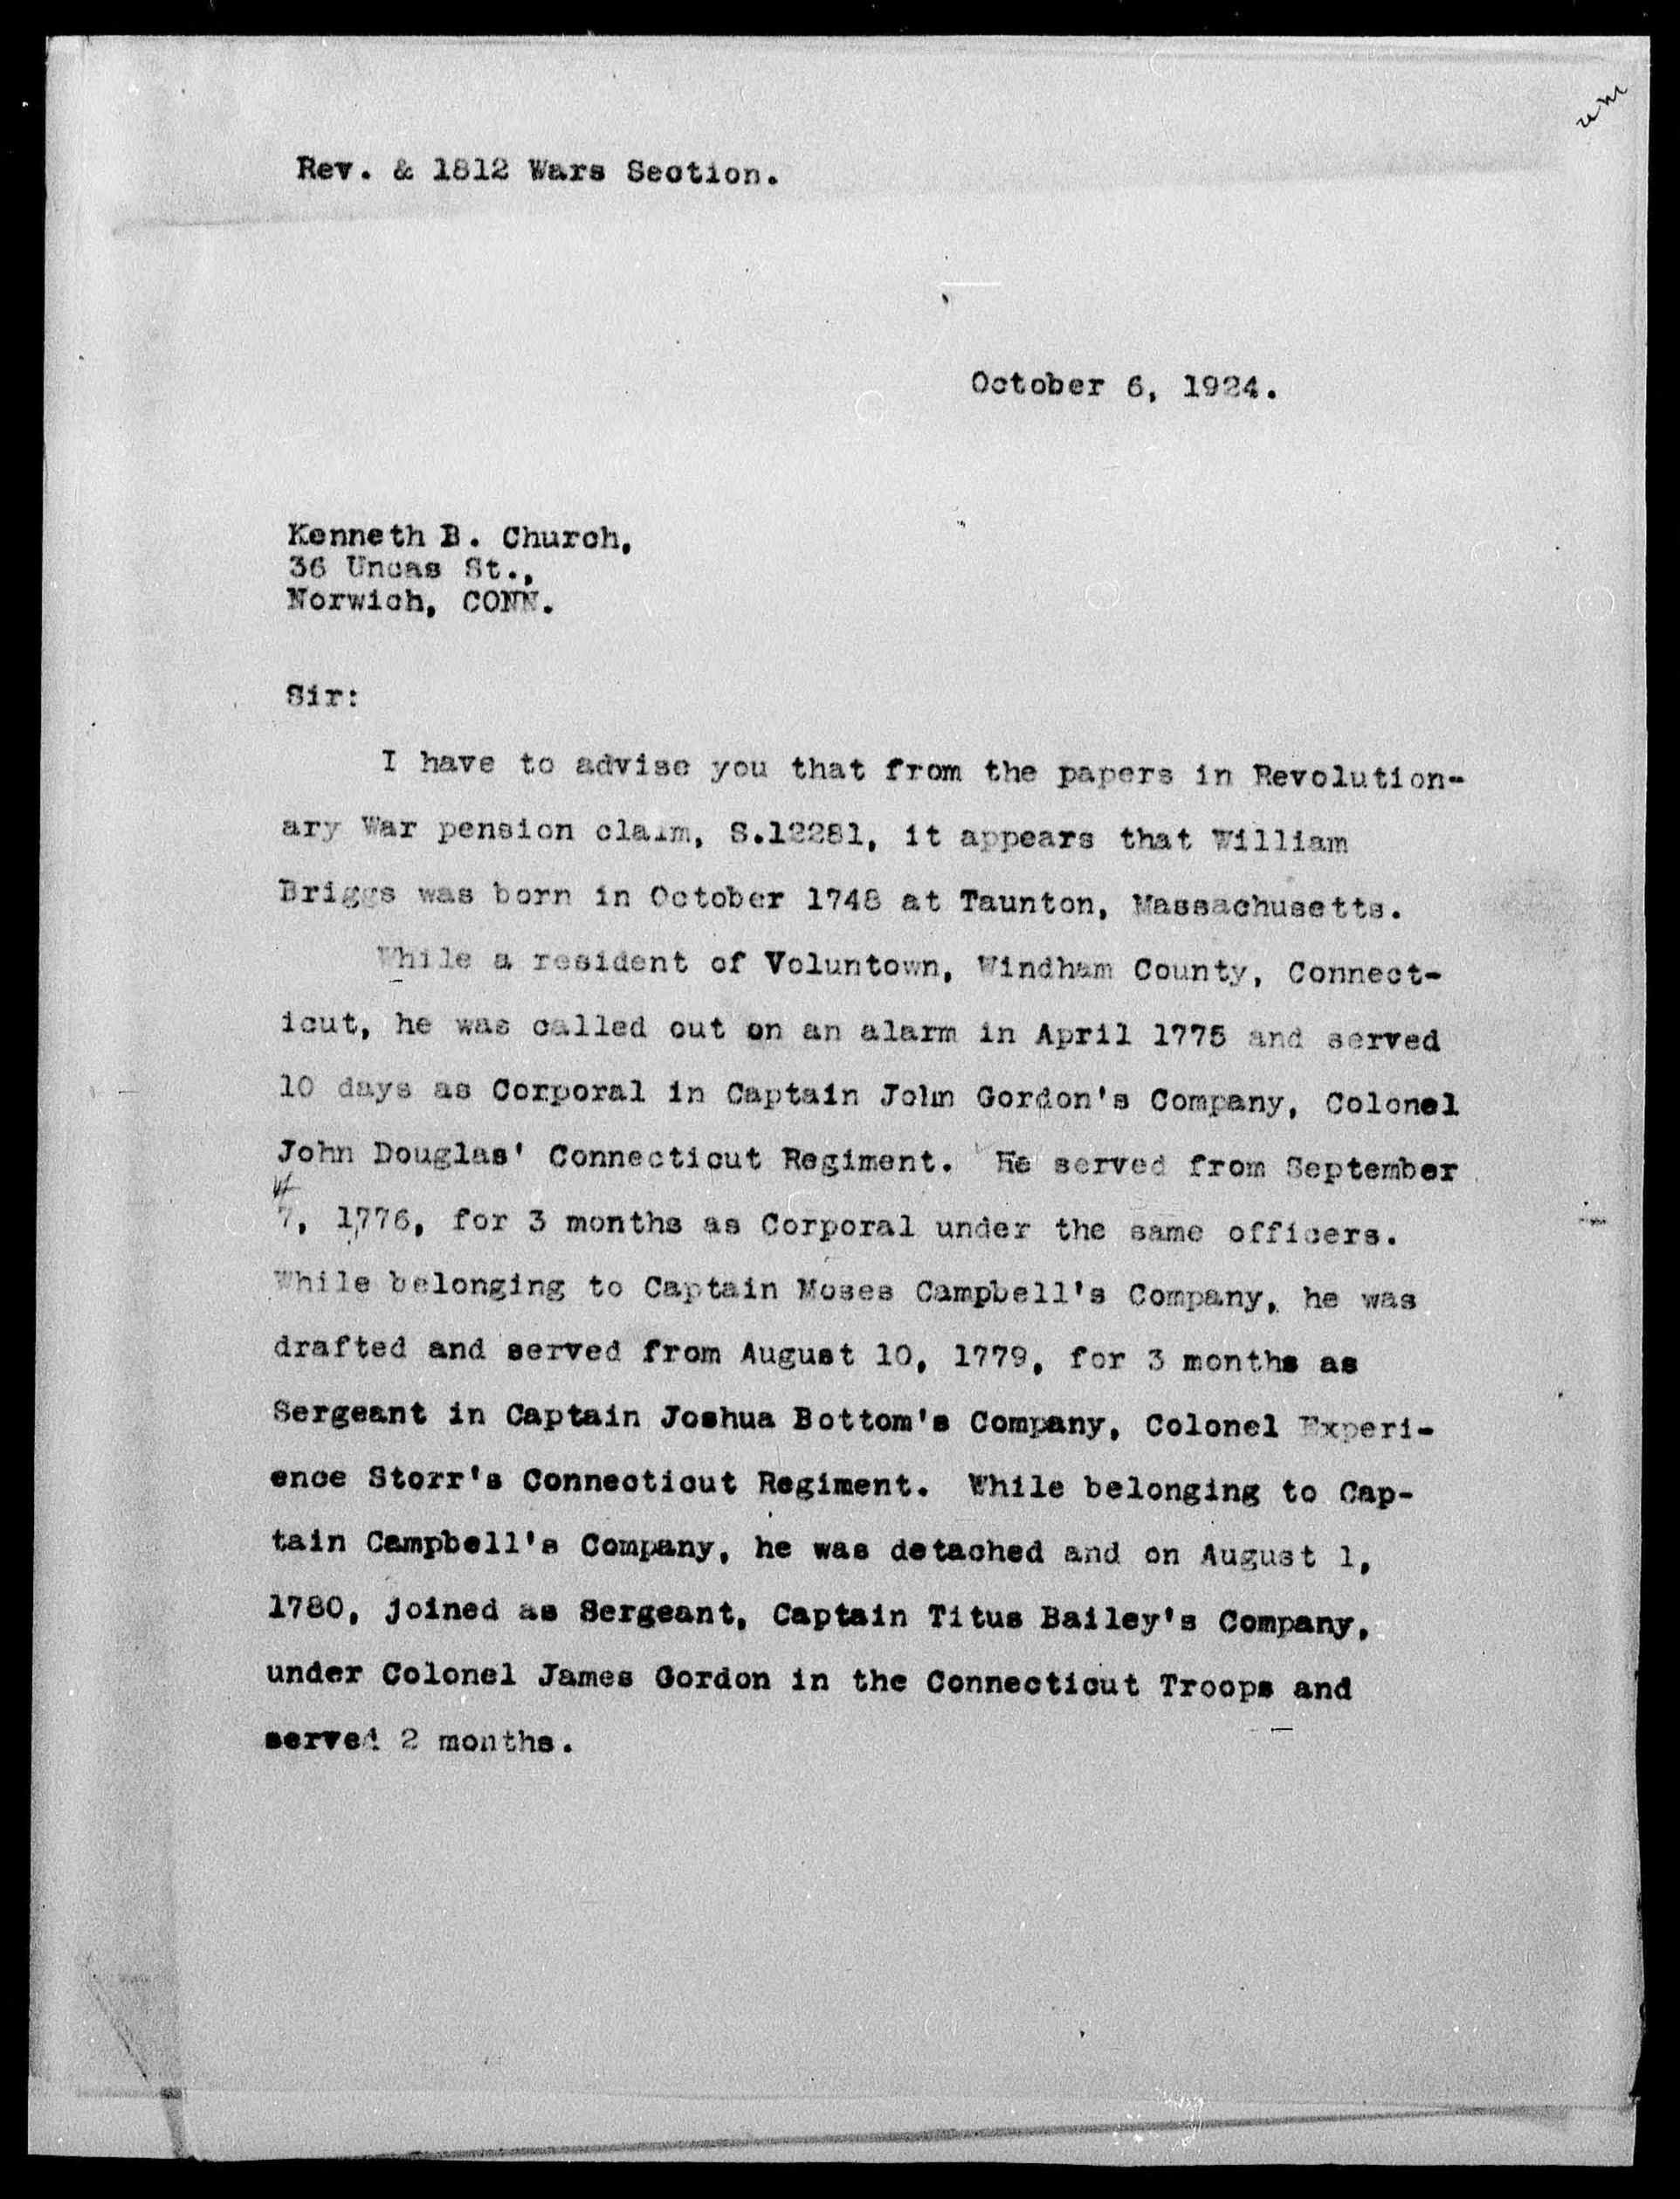Rev. & 1812 Wars Section.
October 6, 1924.
Kenneth B. Church,
36 Uncas St.,
Norwich, CONN.
Sir:
I have to advise you that from the papers in Revolutionary War pension claim, S.12281, it appears that William
Briggs was born in October 1748 at Taunton, Massachusetts.
While a resident of Voluntown, Windham County, Connecticut, he was called out on an alarm in April 1775 and served
10 days as Corporal in Captain John Gordon's Company, Colonel
John Douglas' Connecticut Regiment. He served from September 7,
1776, for 3 months as Corporal under the same officers.
While belonging to Captain Moses Campbell's Company, he was
drafted and served from August 10, 1779, for 3 months as
Sergeant in Captain Joshua Bottom's Company, Colonel Experience Storr's Connecticut Regiment. While belonging to Captain Campbell's Company, he was detached and on August 1, 1780,  joined as Sergeant, Captain Titus Bailey's Company,
under Colonel James Gordon in the Connecticut Troops and served 2 months.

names: James Gordon, William Briggs, Kenneth B Church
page: 36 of 37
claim: survivor's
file: S. 12,281, William Briggs, Conn.